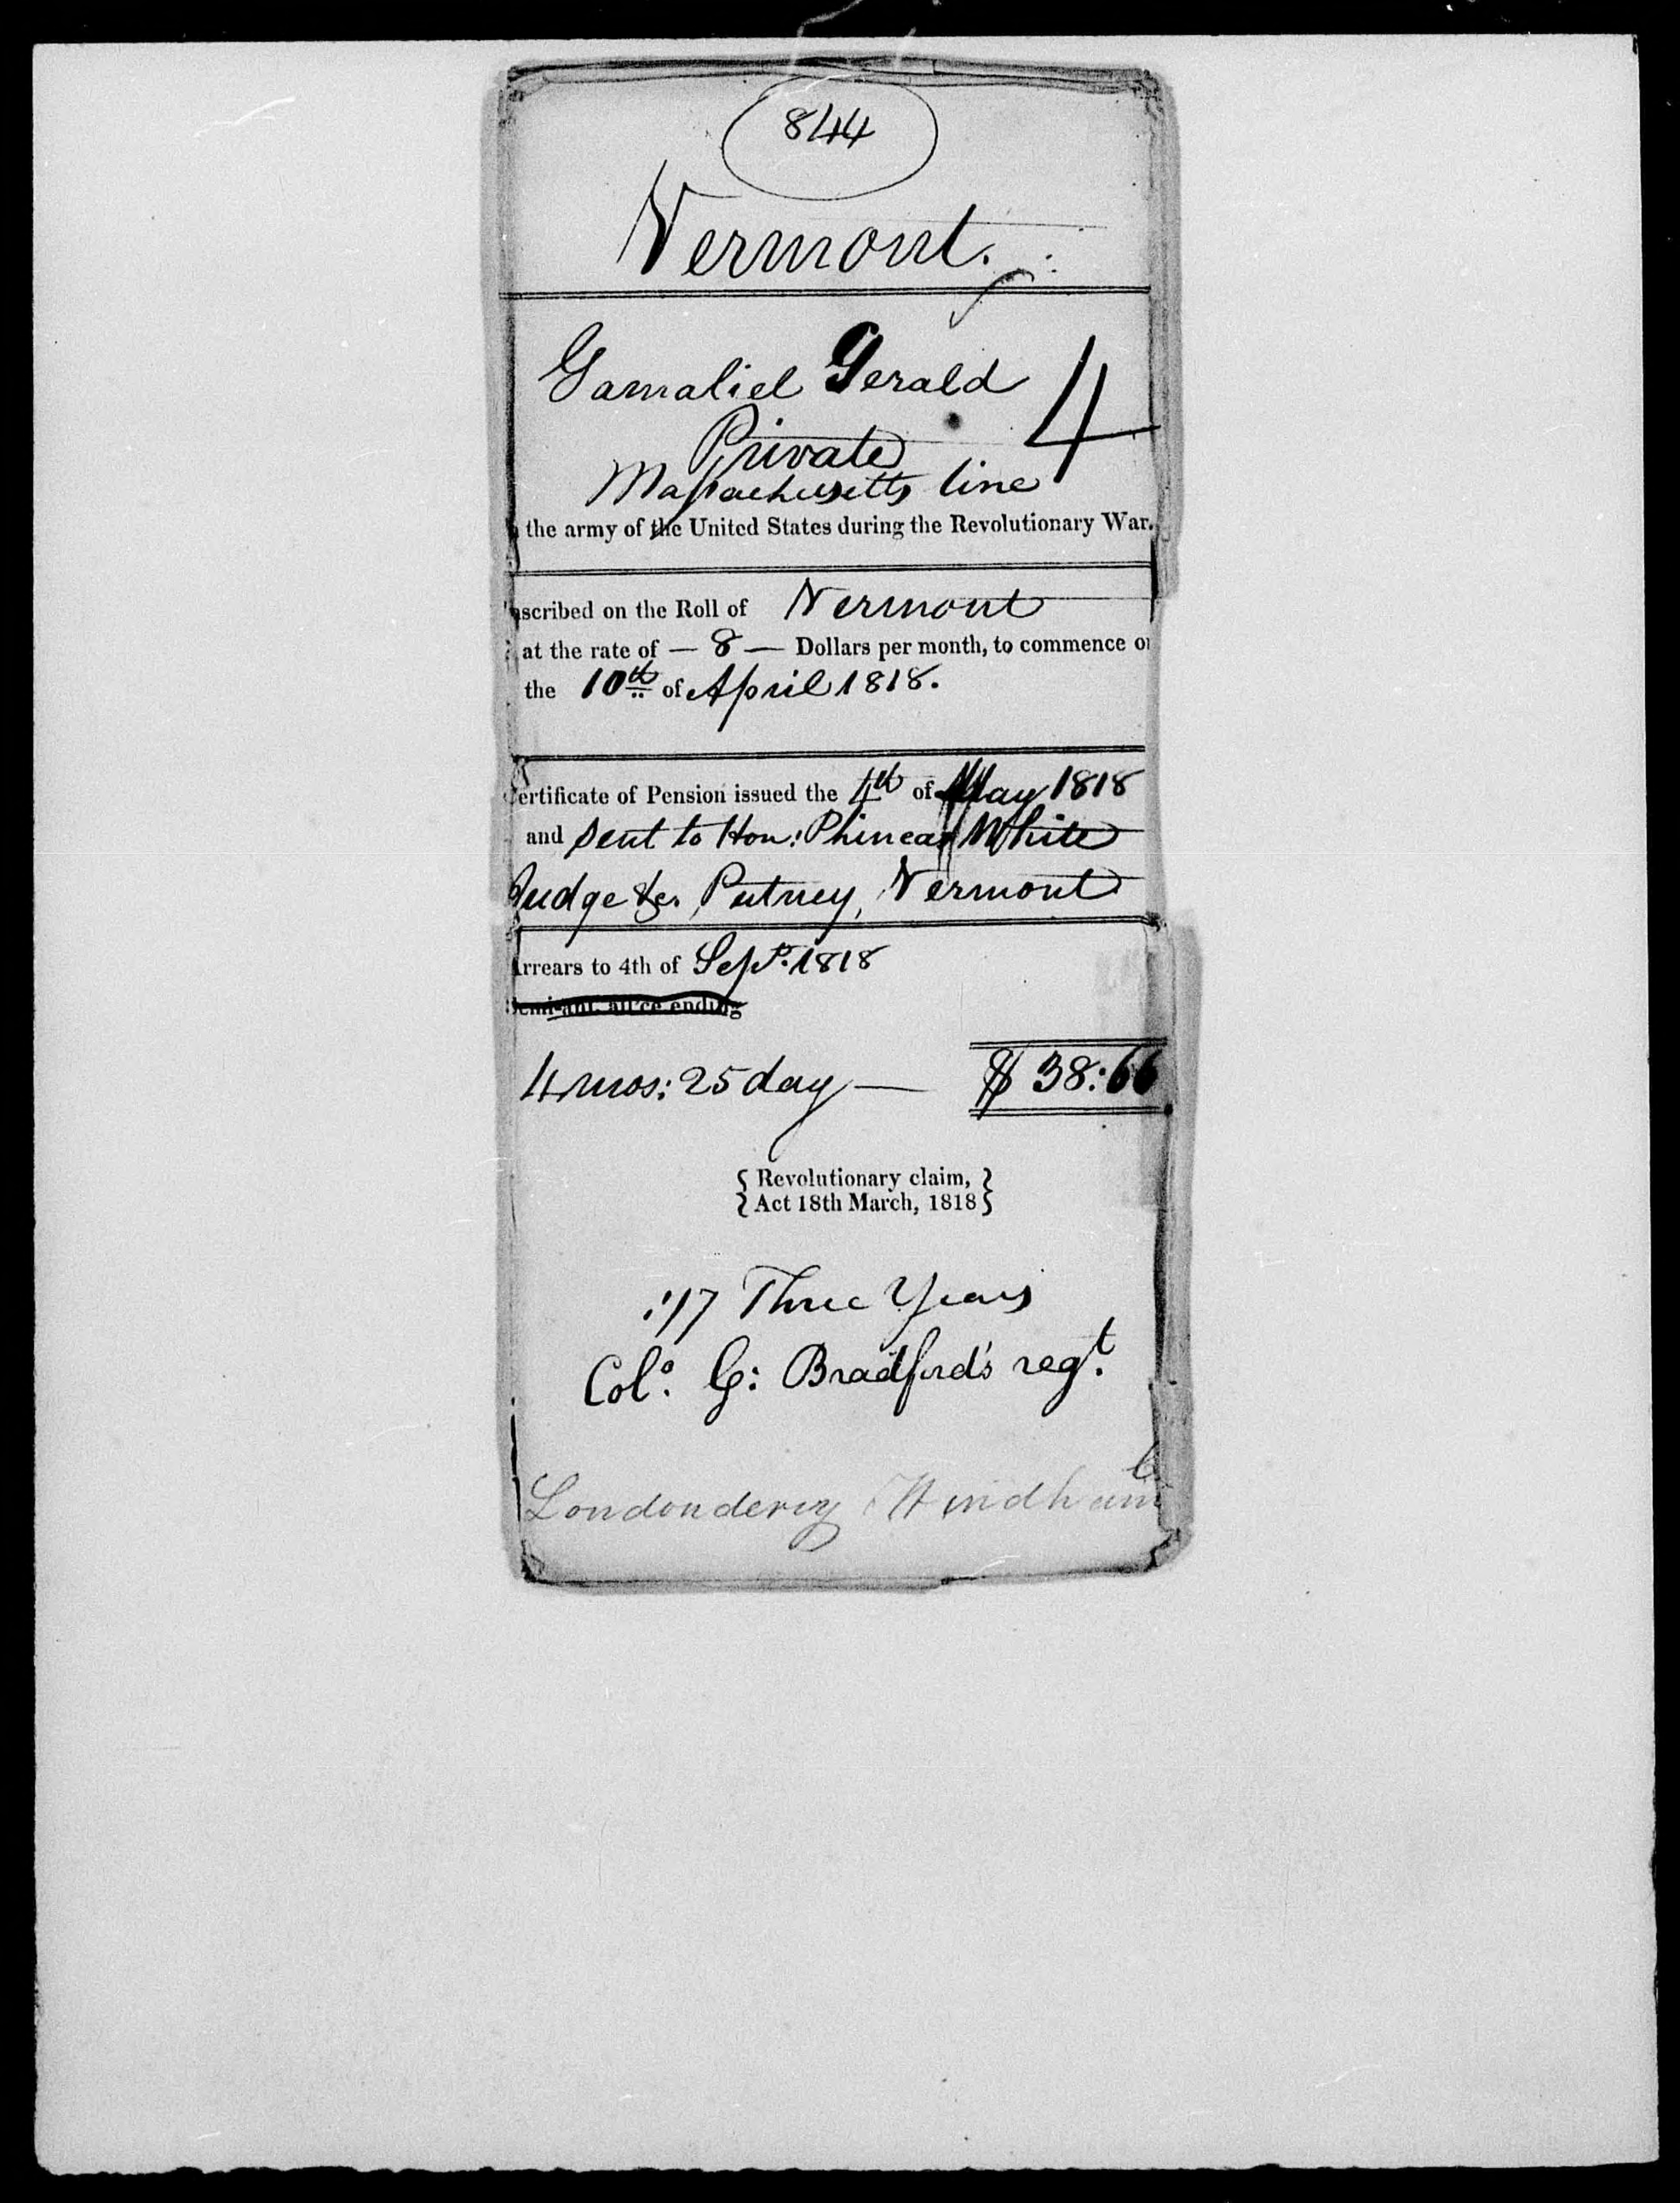844
Vermont
Gamaliel Gerald
Private
Massachusetts line 4
the arm of the United States during the Revolutionary War.
Subscribed on the Roll of Vermont
at the rate of - 8 - Dollars per month, to commence on the 10th of April 1818.
Certificate of Pension issues the 4th of Mary 1818 and sent to Hos. Phineas White Judge for Putney, Vermont.
Arrears to 4th of Sept. 1818
4 mos: 25 day  $38.66

{Revolutionary claim, }
{Act 18th March, 1818}

:17 Three Years
Col. G: Bradford's regt.
Londonderry Windham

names: Gamaliel Gerald, Phineas White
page: 5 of 26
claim: widow's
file: W. 25619, Gamaliel Gerald, Mass.